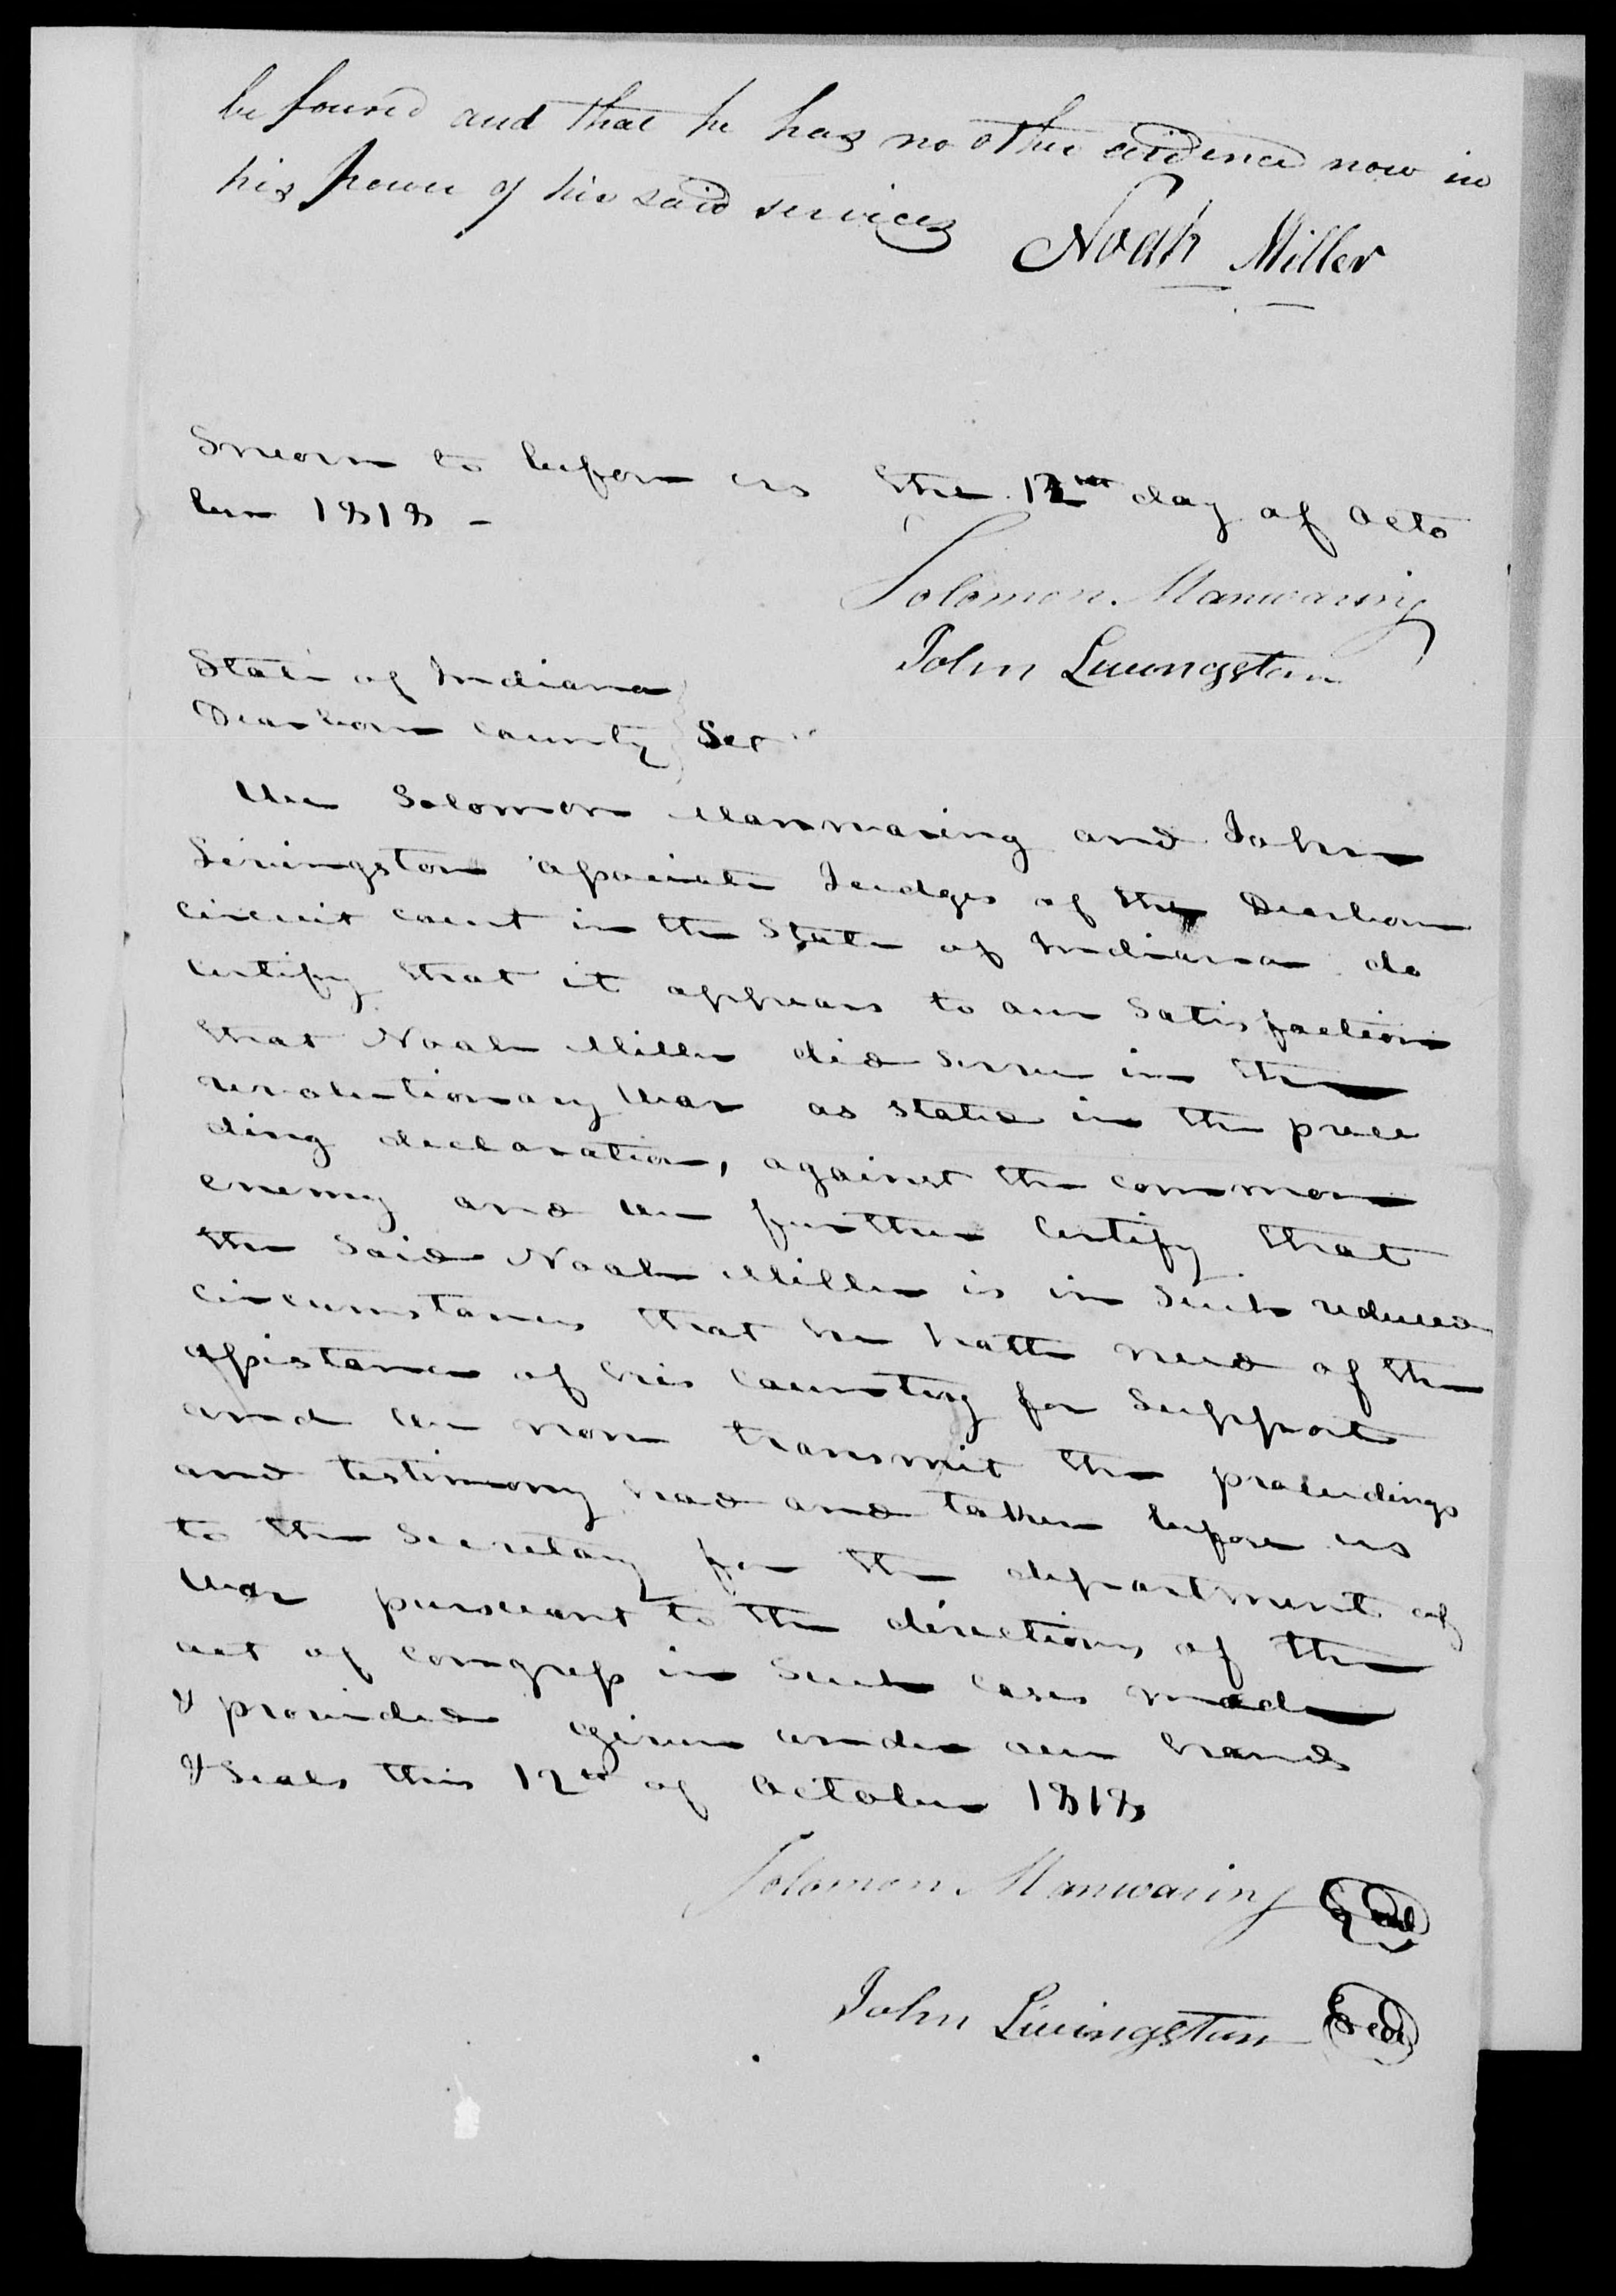Sworn to before me the 12th day of Oct. 1818.

Solomon Manwaring
John Livingston

State of Indiana
Dearborn County
Sept

We Solomon Manwaring and John Livingston assistant Judges of the Dearborn Circuit Court in the State of Indiana do certify that it appears to our satisfaction that Noah Miller did serve in the revolutionary war as stated in the preceding declarations against the common enemy and we further certify that   the said Noah Miller is in such reduced circumstances that he has need of the assistance of his country for support and we now transmit the proceedings to the secretary for the department of war pursuant to the directions of the act of congress in such cases made & provided given under our hands & seals this 12th day of October 1818

Solomon Manwaring
John Livingston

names: Solomon Manwaring; Noah Miller; John Livingston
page: 5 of 20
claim: survivor's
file: S. 36129, for Noah Miller, New Jersey